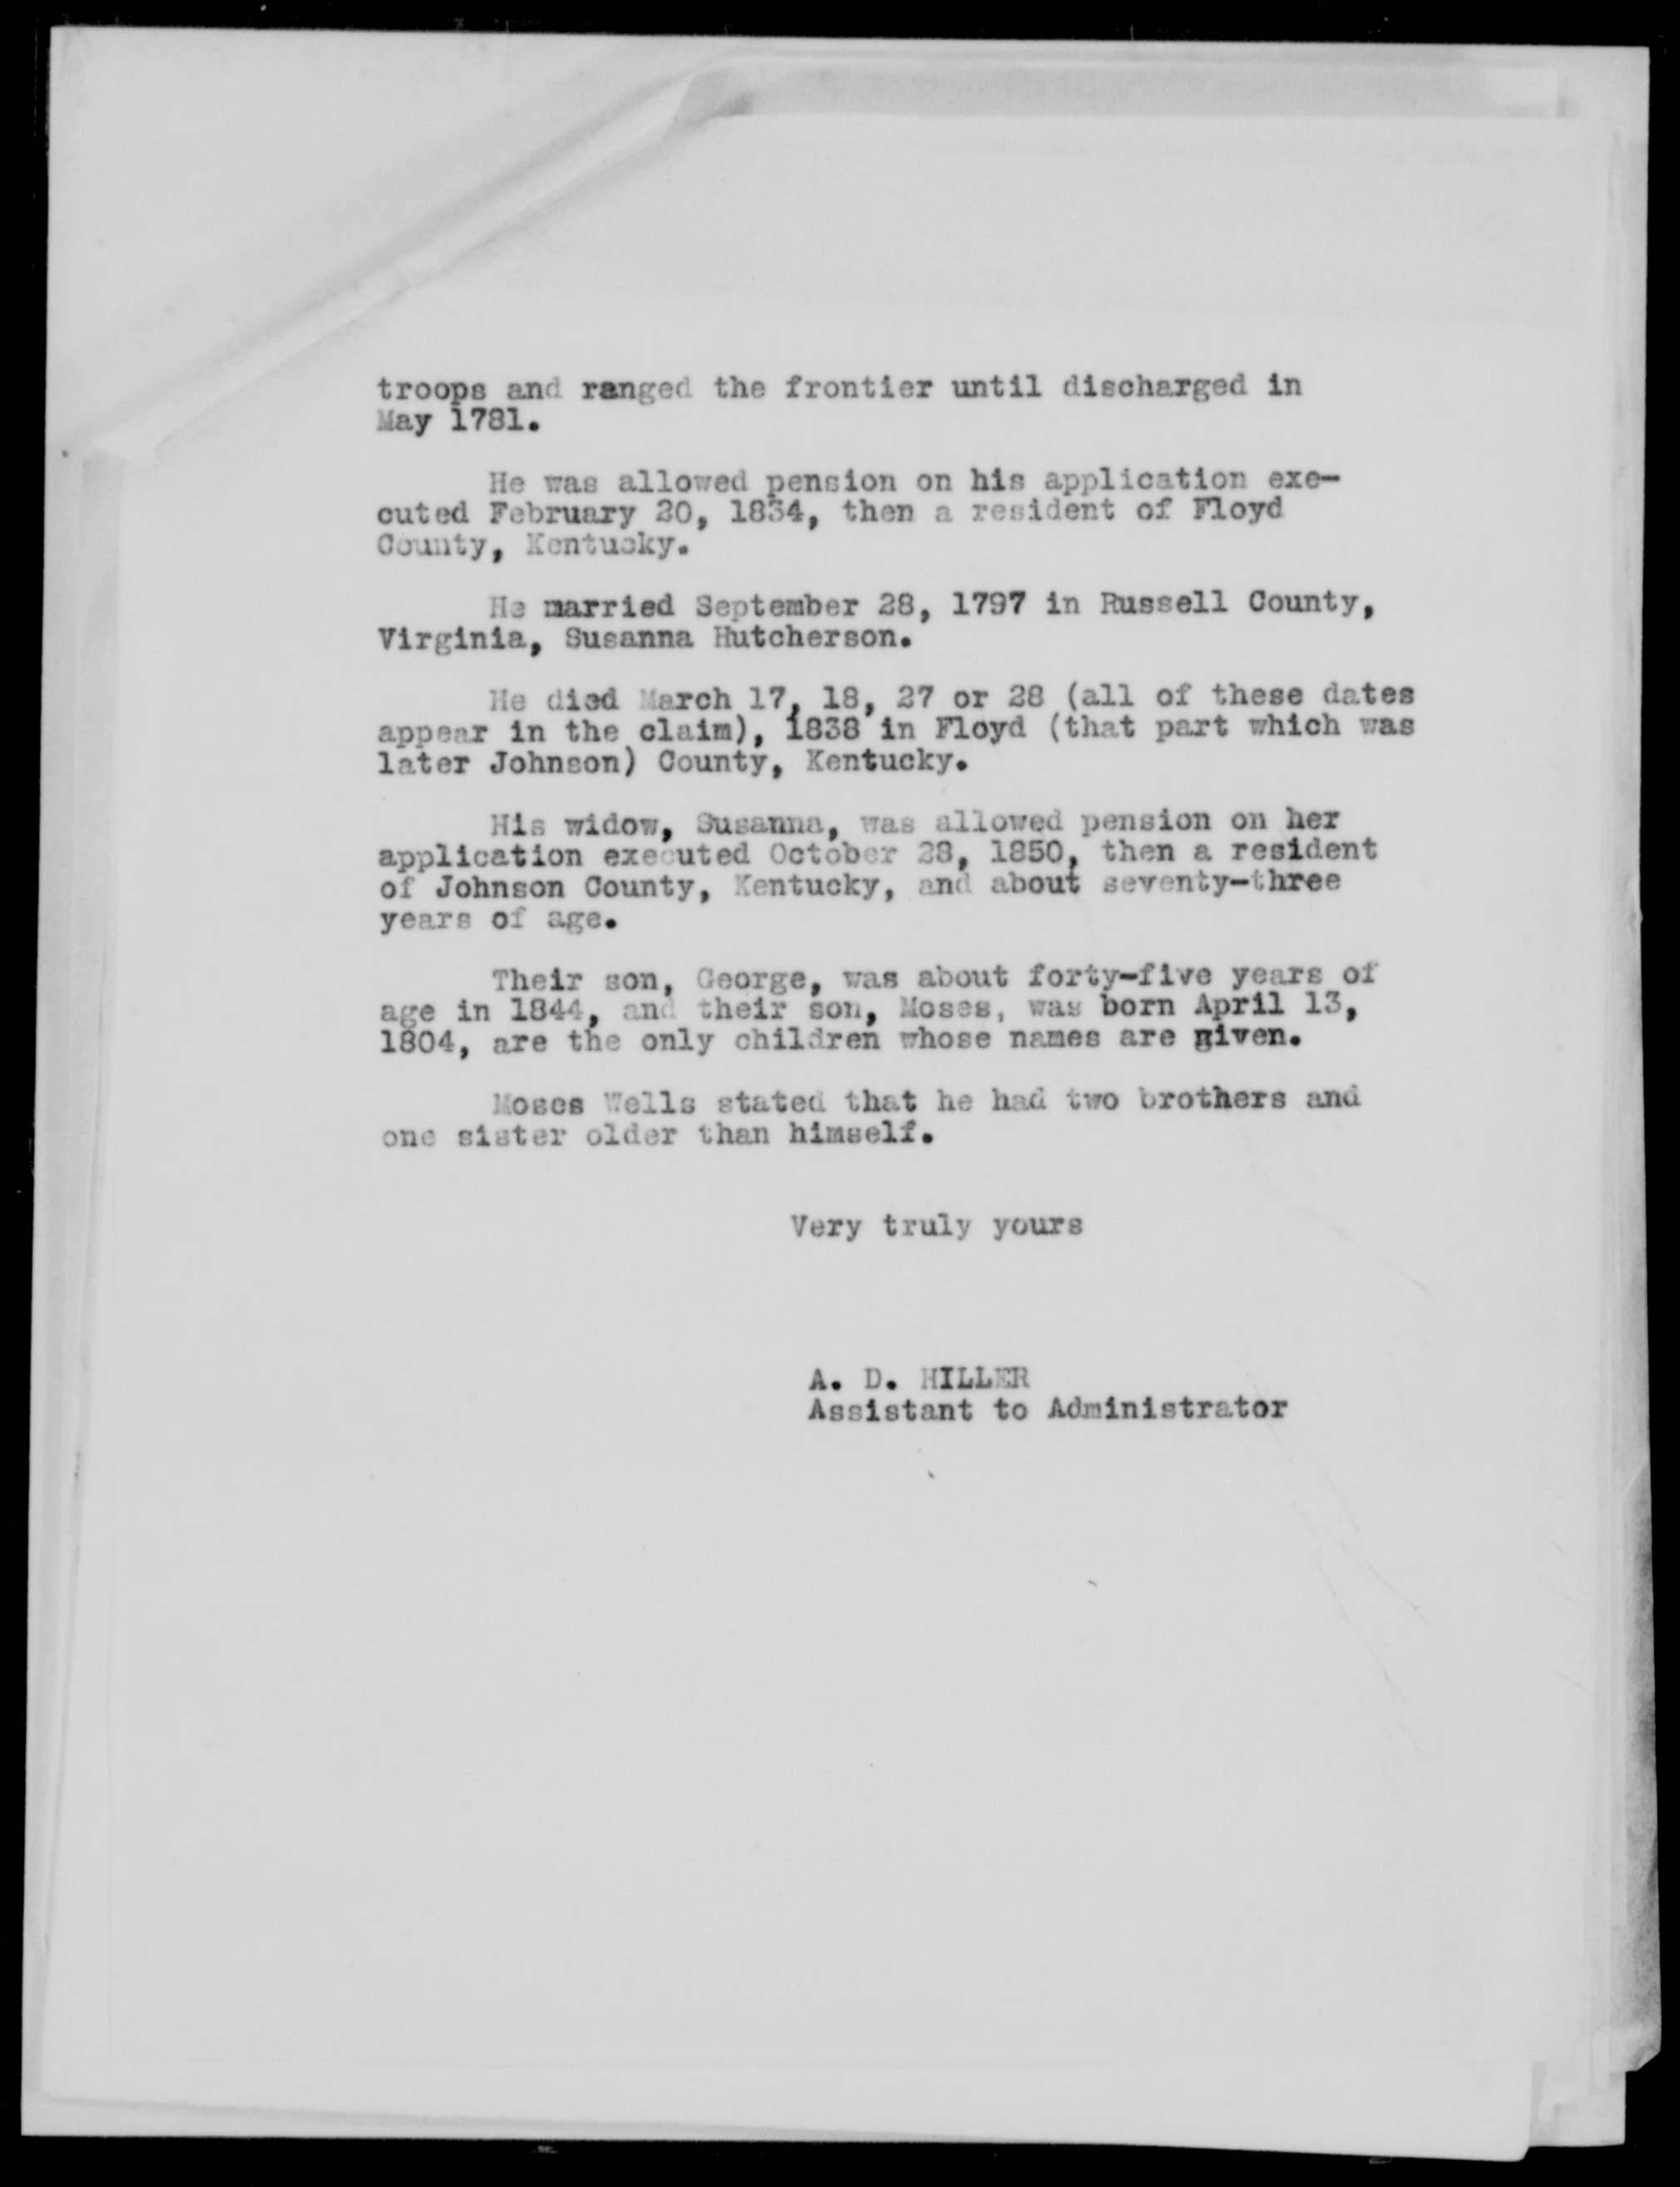troops and ranged the frontier until discharged in
May 1781.
He was allowed pension on his application executed
February 20, 1834, then a resident of Floyd
County, Kentucky.
He married September 28, 1797 in Russell County,
Virginia, Susanna Hutcherson.
He died March 17, 18, 27 or 28 (all of these dates
appear in the claim), 1838 in Floyd (that part which was
later Johnson) County, Kentucky.
His widow, Susanna, was allowed pension on her
application executed October 28, 1850, then a resident
of Johnson County, Kentucky, and about seventy-three
years of age.
Their son, George, was about forty-five years of
age in 1844, and their son, Moses, was born April 13,
1804, are the only children whose names are given.
Moses Wells stated that he had two brothers and
one sister older than himself.
Very truly yours
A. D. HILLER
Assistant to Administrator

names: A D Hiller, Susanna, George, Moses Wells, Susanna Hutcherson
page: 93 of 100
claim: widow's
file: W. 6437, Richard Wells, Ga Va.